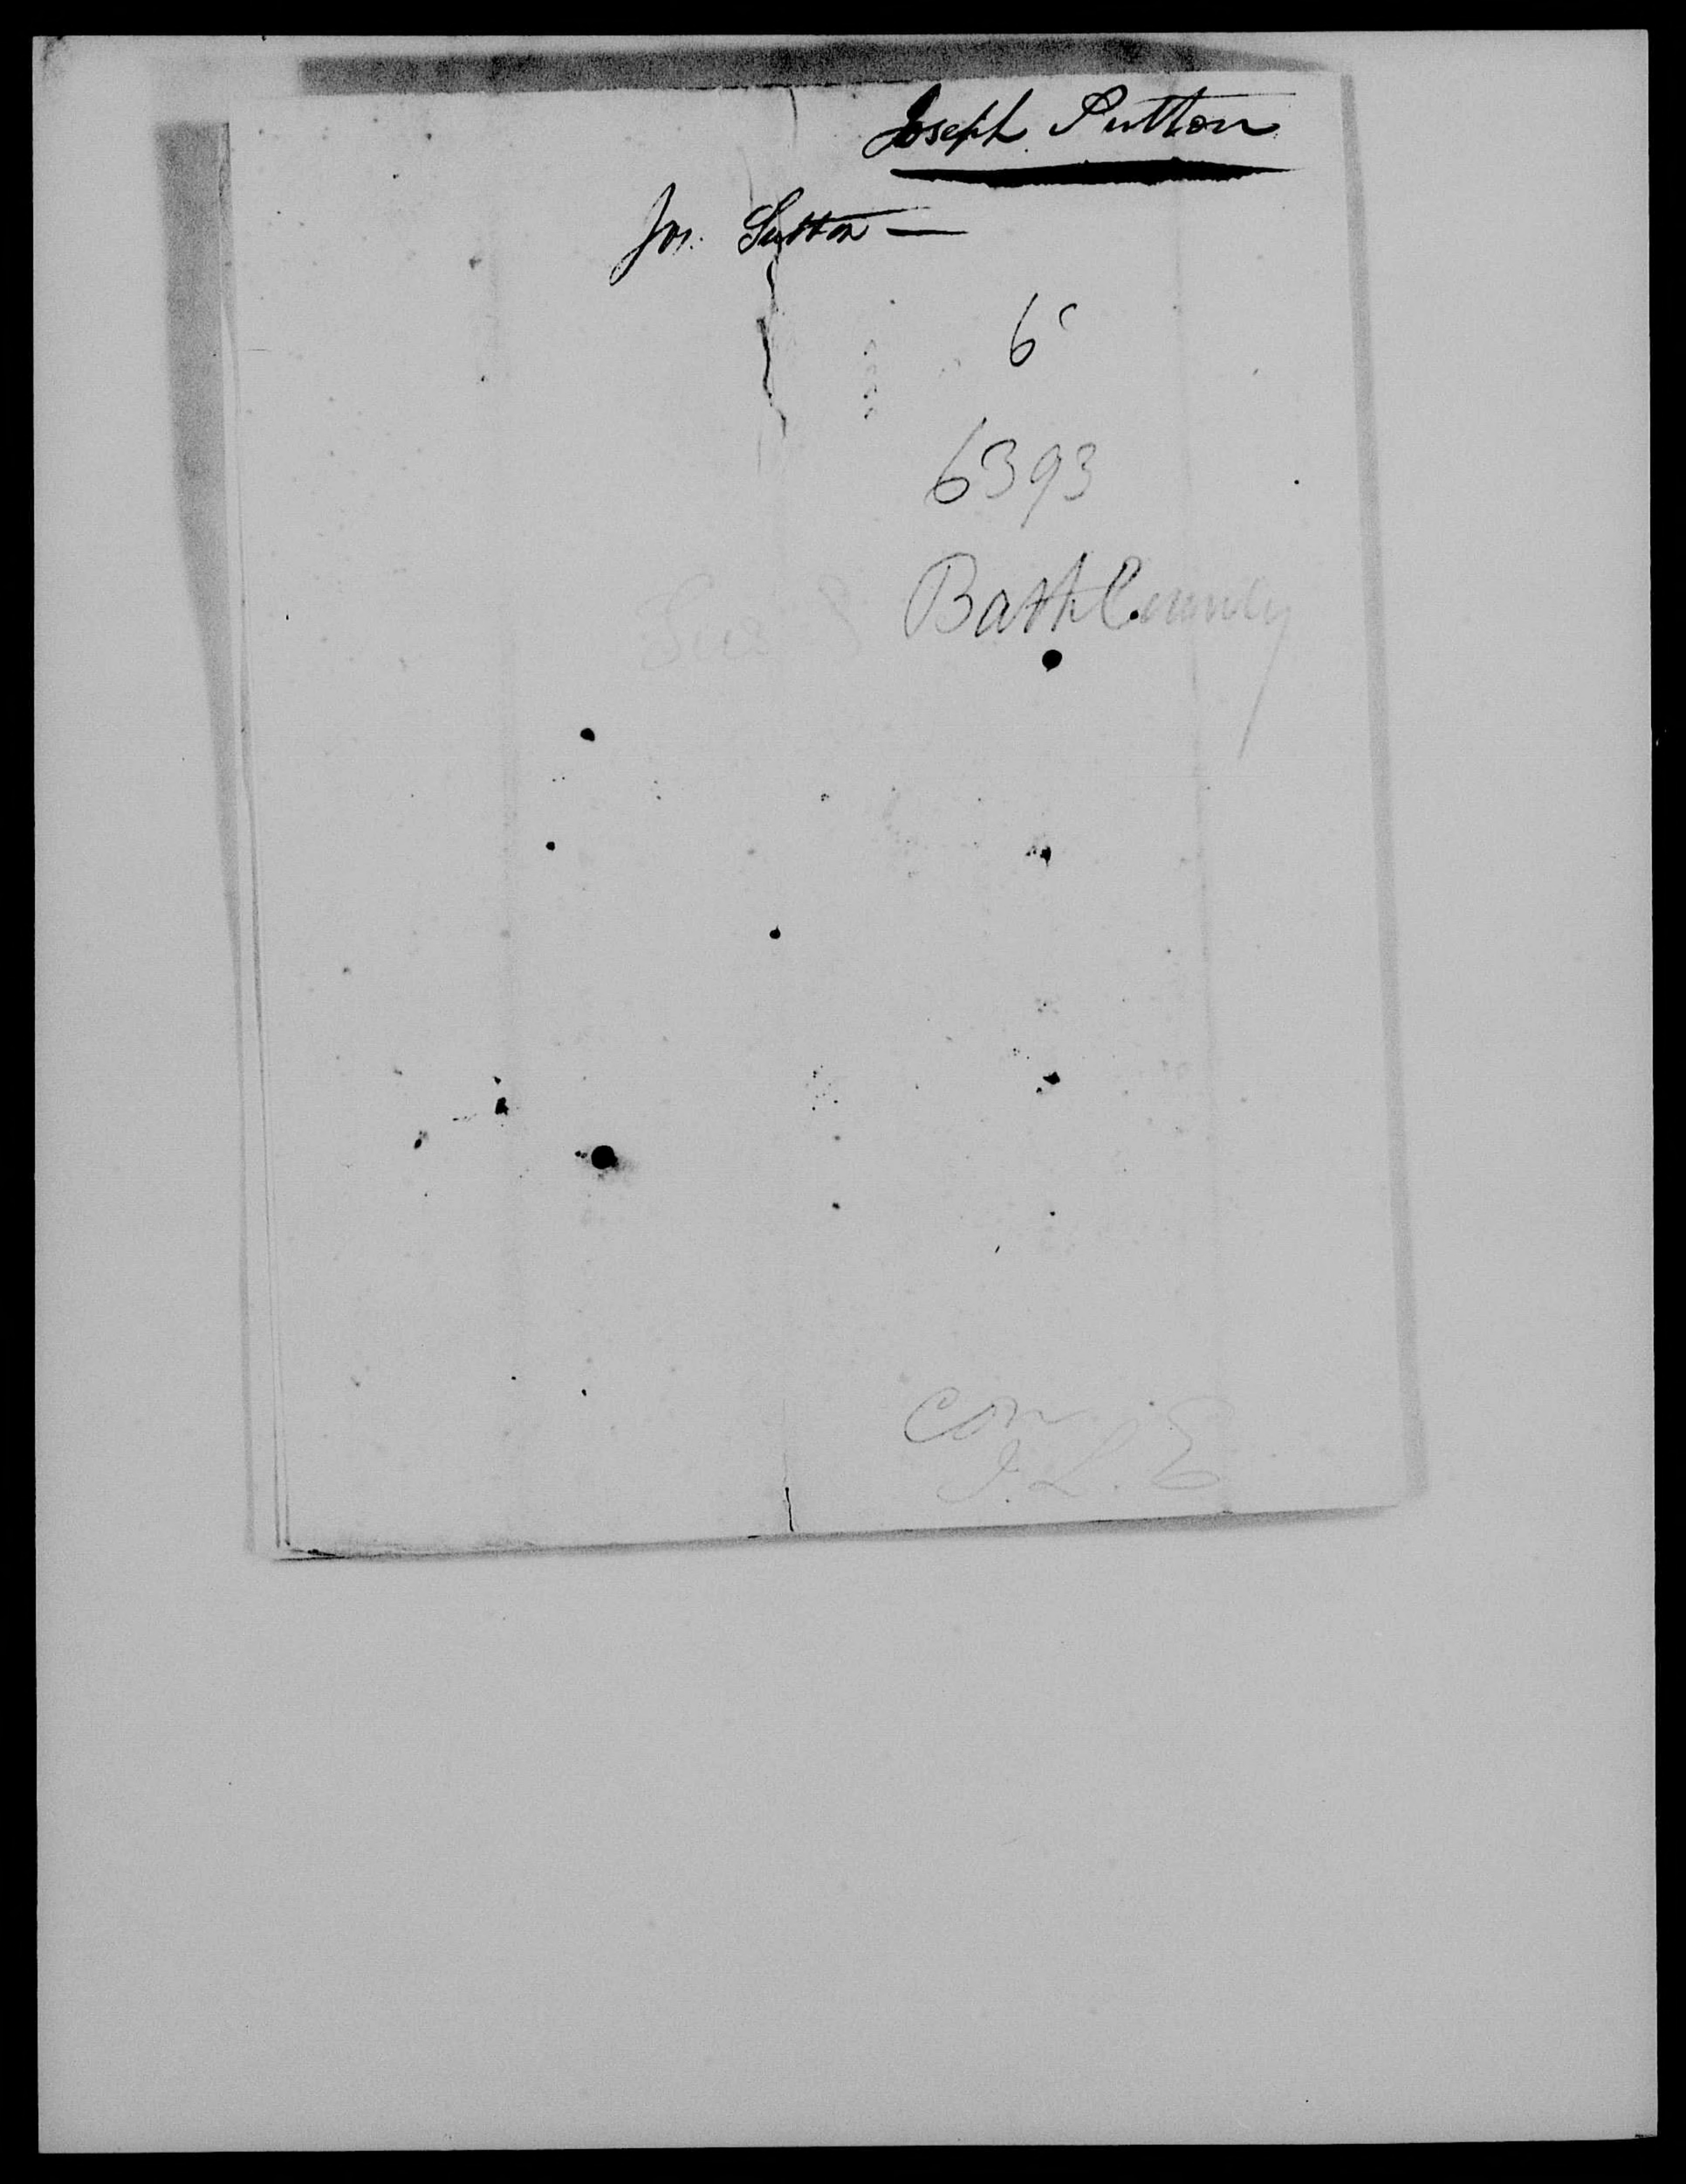Joseph Sutton
for Sutton
6
6393
Bath County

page: 3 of 21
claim: survivor's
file: S. 41223, for Joseph Sutton, Virginia